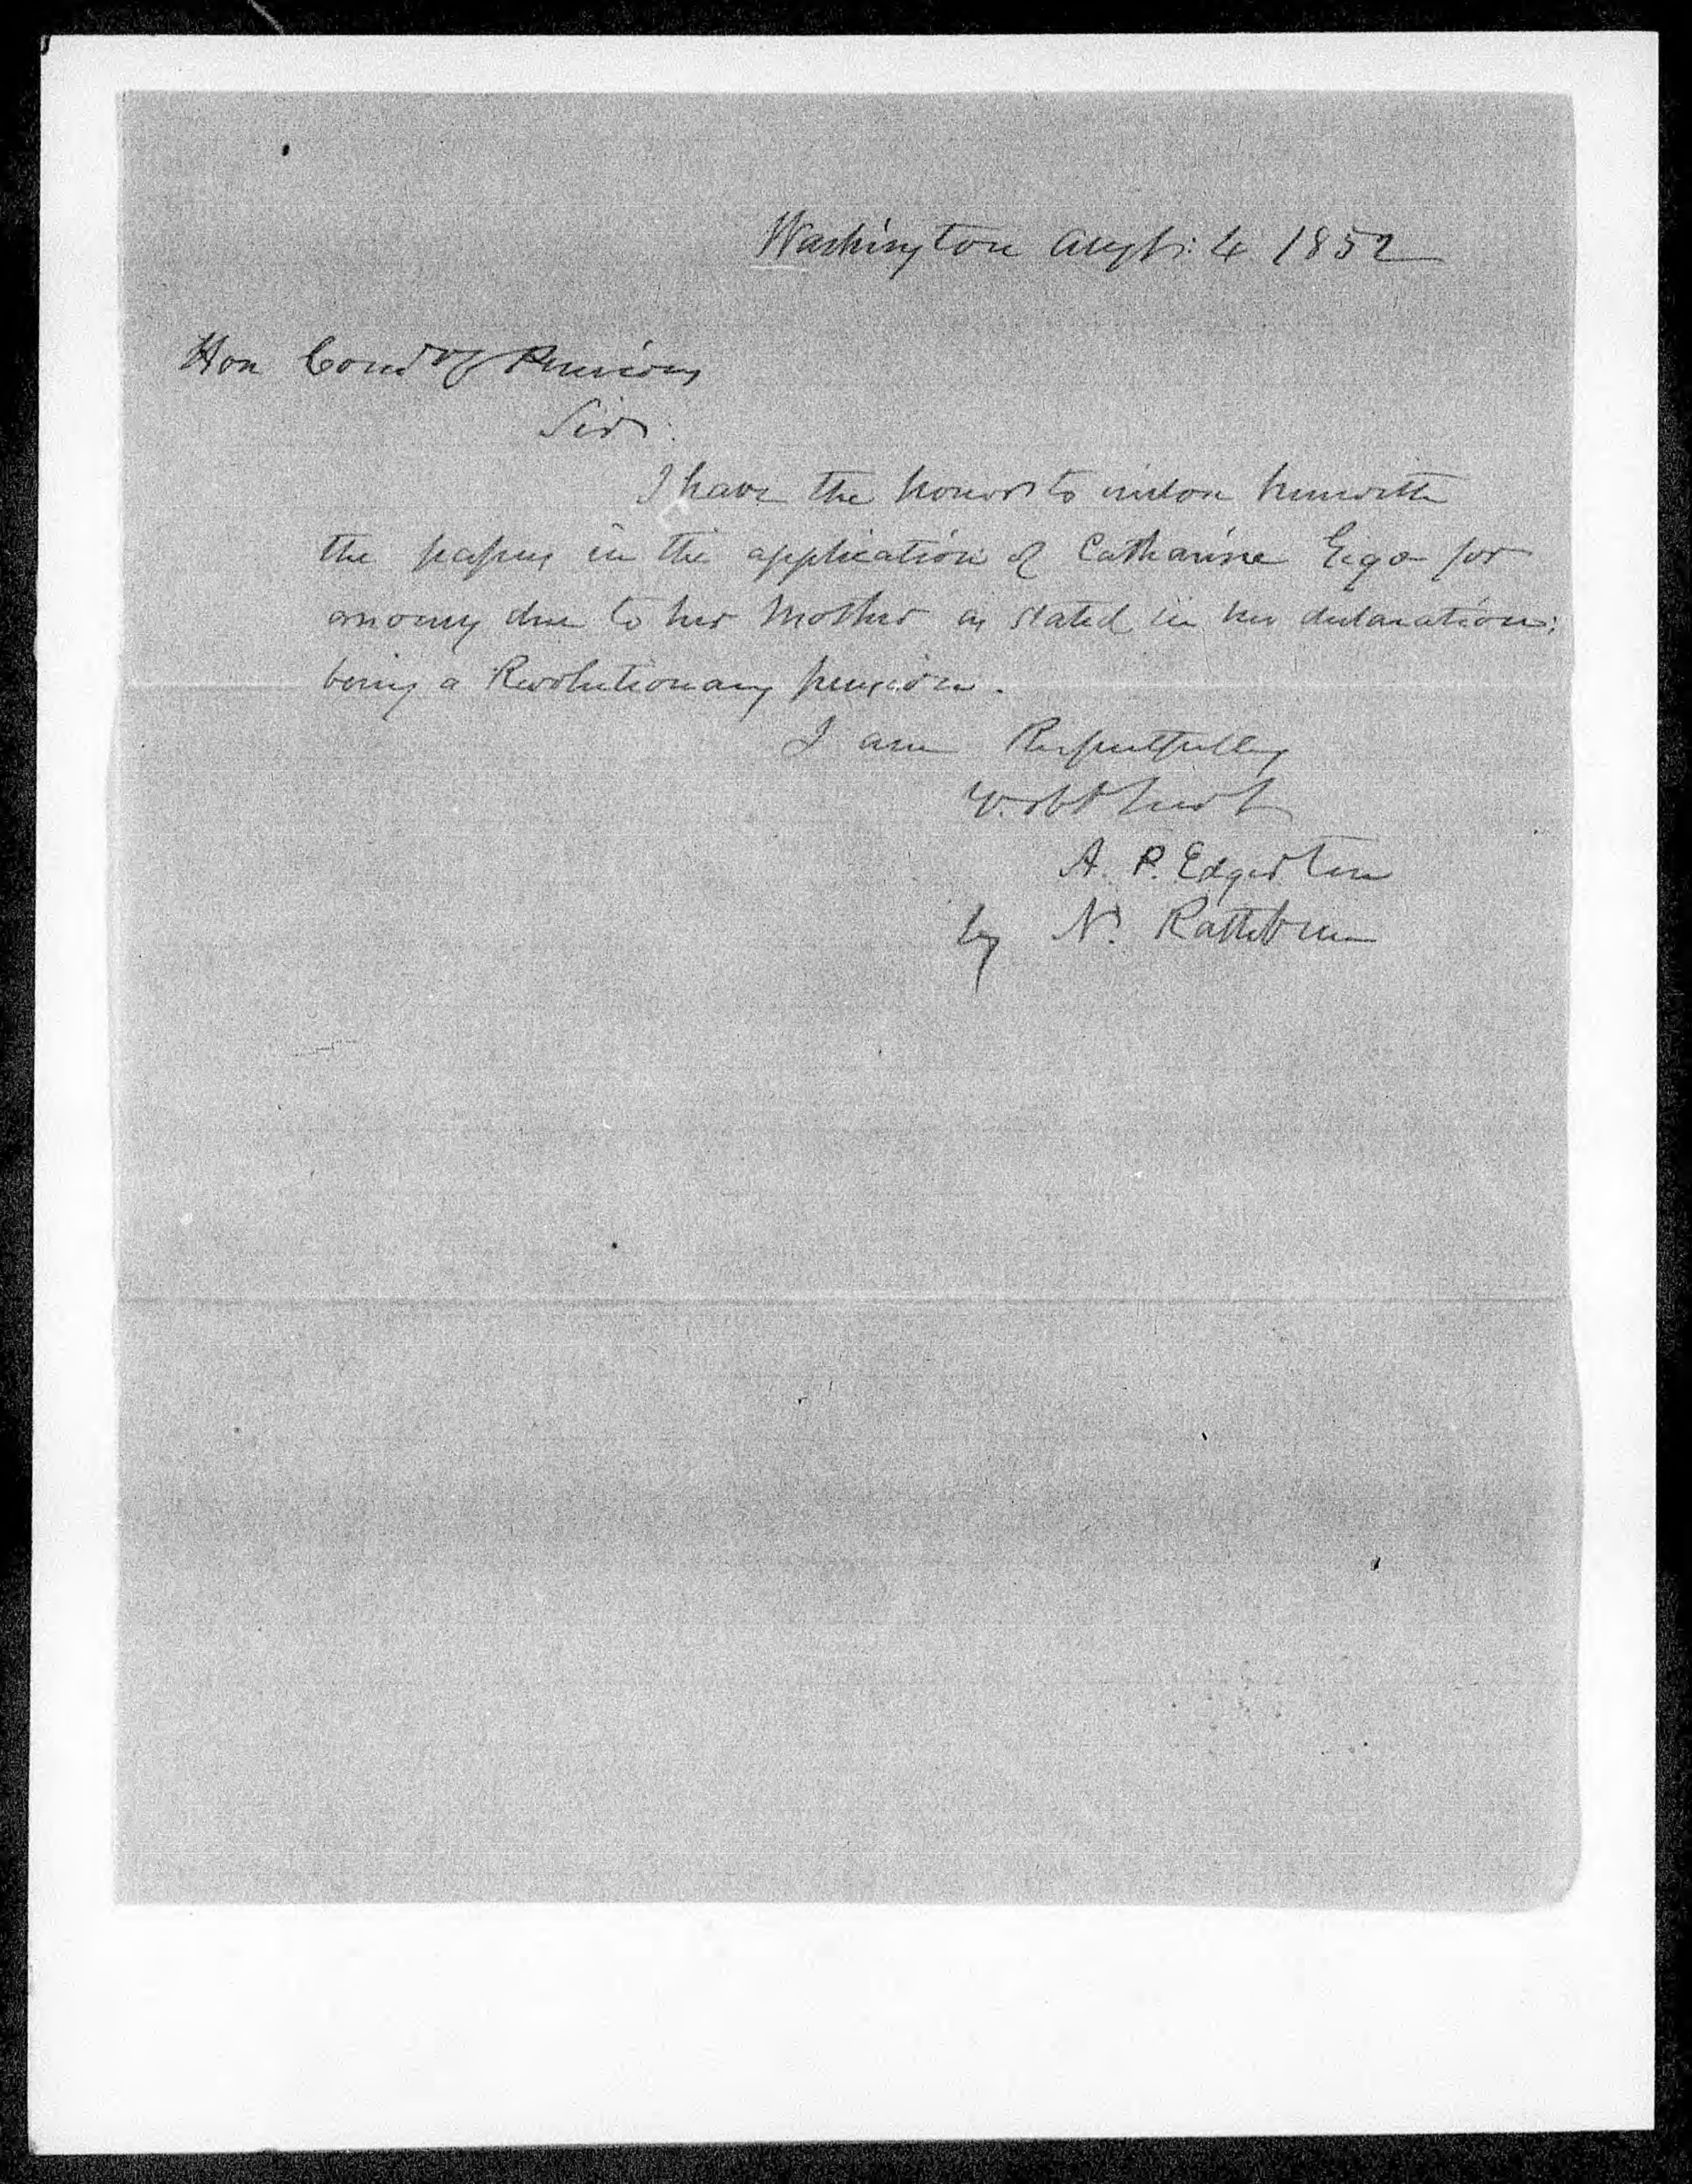Washington Augt 6 1852

Hon. Comm of Pensions

Sir,
I have the honor to inclose herewith the papers in the application of Catherine Gigo for money due to her mother as stated in her declarations; being a Revolutionary pensioner
I am respectfully,
Your Obt Servt
A P Edgerton
N Rathbun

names: A P Edgerton, Catharine Gigo, N Rathbun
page: 84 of 98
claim: widow's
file: W. 21182, Francis Gigo, Continental (Canadian)